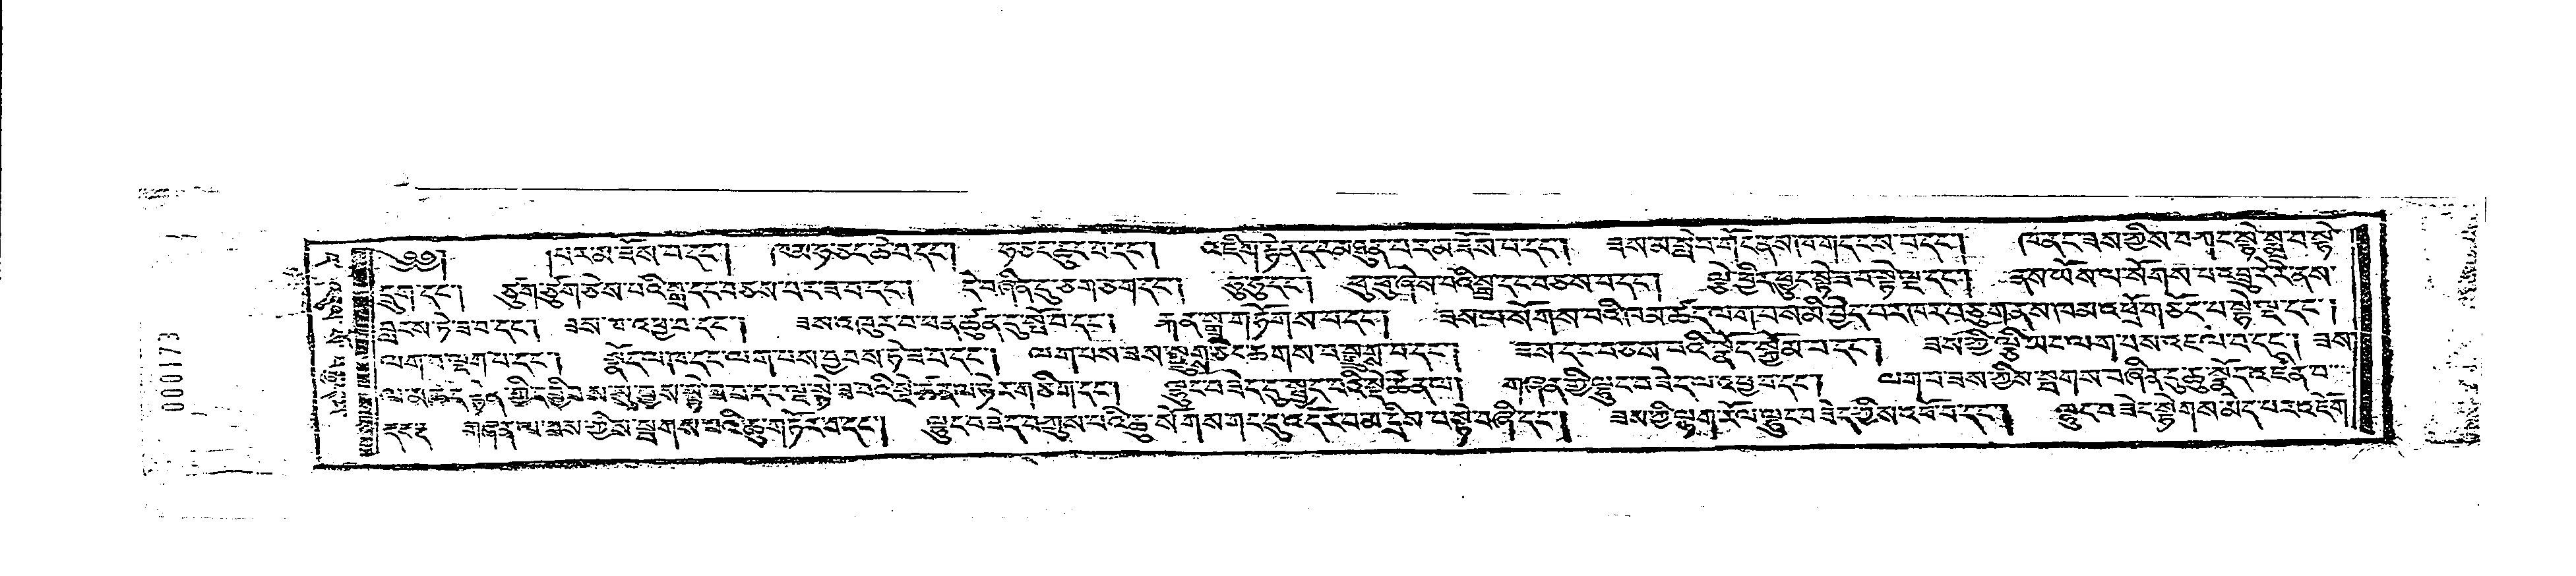༄༅། །པར་མ་ཟོས་པ་དང་། ཁམ་ཧ་ཅང་ཆེ་བ་དང་། ཧ་ཅང་ཆུང་བ་དང་། འཇིག་རྟེན་དང་མཐུན་པར་མ་ཟོས་པ་དང་། ཟས་མ་སླེབ་གོང་ནས་ཁ་གདངས་པ་དང་། ཁ་ནང་ཟས་ཀྱིས་བཀང་སྟེ་སྨྲ་བ་སྟེ་
དྲུག་དང་། ཙུག་ཙུག་ཅེས་པའི་སྒྲ་དང་བཅས་པར་ཟ་བ་དང་། དེ་བཞིན་དུ་ཅག་ཅག་དང་། ཧུ་ཧུ་དང་། ཕུ་ཕུ་ཞེས་པའི་སྒྲ་དང་བཅས་པ་དང་། ལྕེ་ཕྱིར་ཕྱུང་སྟེ་ཟ་བ་སྟེ་ལྔ་དང་། ནས་ཡོས་ལ་སོགས་པ་འབྲུ་རེ་རེ་ནས་
བླངས་ཏེ་ཟ་བ་དང་། ཟས་ལ་འཕྱ་བ་དང་། ཟས་འཁུར་བ་ཕན་ཚུན་དུ་སྤོ་བ་དང་། རྐན་སྒྲ་གཏོགས་པ་དང་། ཟས་ལ་སོགས་པའི་ཁམ་ཚད་ལག་པས་མི་བྱེད་པར་ཁར་བཅུག་ནས་ཁམ་འཕྲོ་གཅོད་པ་སྟེ་ལྔ་དང་།
ལག་པ་ལྡག་པ་དང་། སྣོད་ལ་ཁ་དང་ལག་པས་བྱབས་ཏེ་ཟ་བ་དང་། ལག་པས་ཟས་སྤྲུགས་ཅིང་ཆགས་པ་སྤྲུགས་པ་དང་། ཟས་དང་བཅས་པའི་སྣོད་སྐྱོམ་པ་དང་། ཟས་ཀྱི་ལྕི་ཡང་ལག་པས་འཇལ་བ་དང་། ཟས་
ལ་མཆོད་རྟེན་གྱི་དབྱིབས་སུ་བྱས་སྟེ་ཟ་བ་དང་ལྔ་སྟེ་ཟ་བའི་སྡེ་ཚན་ལ་ཉེར་གཅིག་དང་། ལྷུང་བཟེད་དུ་སྦྱང་བའི་སྡེ་ཚན་ལ། གཞན་གྱི་ལྷུང་བཟེད་ལ་འཕྱ་བ་དང་། ལག་པ་ཟས་ཀྱིས་སྤགས་བཞིན་དུ་ཆུ་སྣོད་འཛིན་པ་
དང༑ གཞན་ལ་ཟས་ཀྱིས་སྦགས་པའི་ཆུ་གཏོར་བ་དང་། ལྷུང་བཟེད་བཀྲུས་པའི་ཆུ་སོགས་གང་དུ་འདོར་བ་མ་དྲིས་བ་སྟེ་བཞི་དང་། ཟས་ཀྱི་ལྷག་རོལ་ལྷུང་བཟེད་ཀྱིས་འཕོ་བ་དང་། ལྷུང་བཟེད་སྟེགས་མེད་པར་འཇོག་